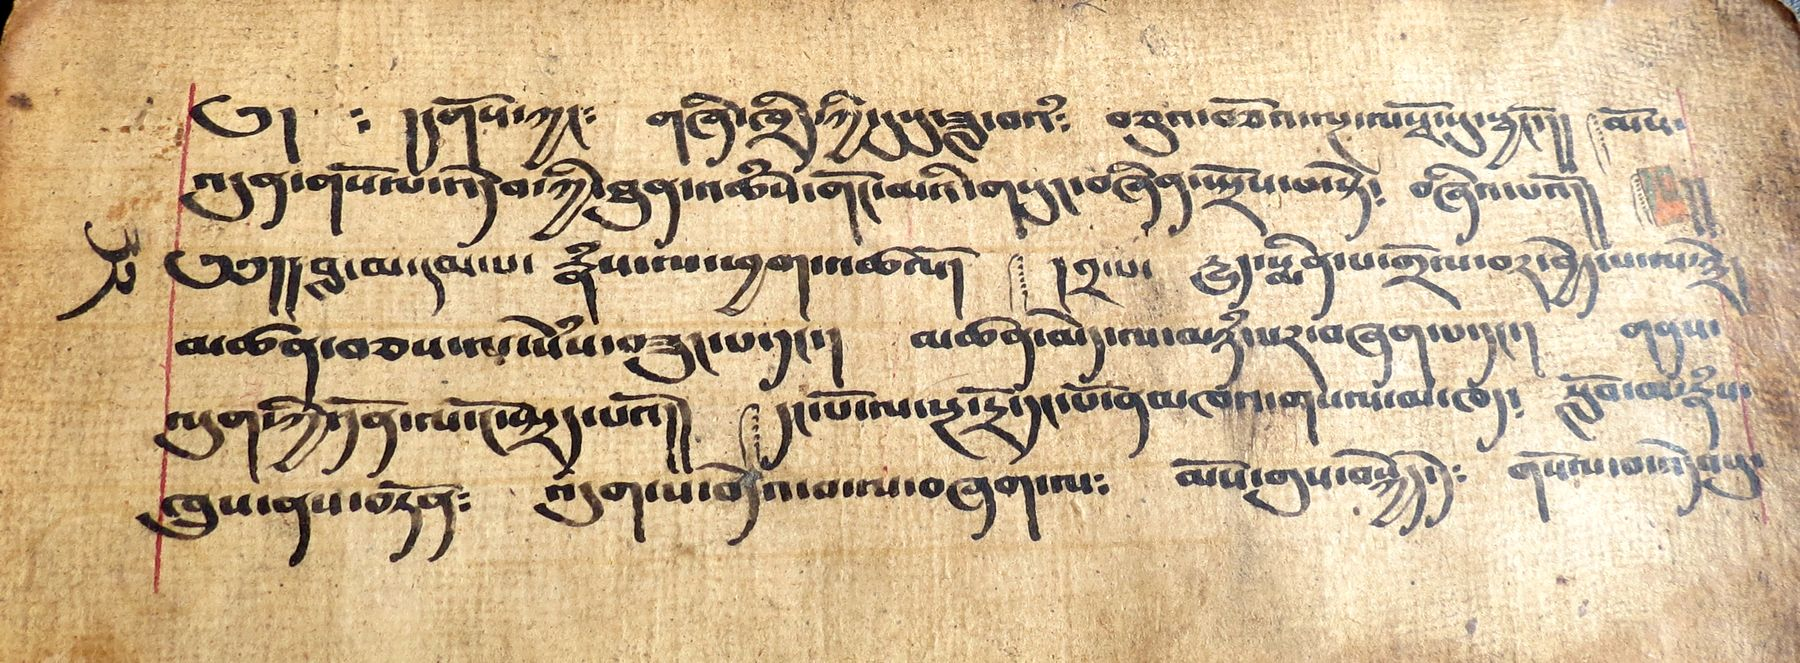དགོས་ཀྱང་། གཞི་ཁྲིད་ཀྱི་དུས་སུ་ཟླ་བའམ། བཅུ་བཅོ་ལྔ་ལ་སོགས་སུ་སྦྱོང་ངོ་། མོས་
གུས་གསོལ་འདེབས་ཀྱི་ཐུན་མཚམས་གོང་མའི་གསུང་བཞིན་སྤྲོས་པ་སྟེ། བཞི་པའོ། 
། བླ་མ་དམ་པ་རྣམས་ལ་ཕྱག་འཚལ་ལོ། གཉིས་པ་རྒྱུད་༼སྨིན་༽པ་གྲོལ་བར་བྱེད་པ་ལ་གསུམ་སྟེ། 
མཚན་བཅས་ལ་སེམས་ཟུང་པ་དང་། མཚན་མེད་ལ་མཉམ་པར་བཞག་པ་དང་། གནས་
ལུགས་ཀྱི་དོན་ལ་ངོ་སྤྲོད་པའོ། དང་པོ་ལ། སྔ་དྲོ་དང་པོ་ནམ་མཁའ་ལ་གསལ་མ་ཁད། སློབ་མ་རྣམས་
ཁྲུས་ནས་བཏོན། འདུག་ས་བདེ་བ་ལ་བཞག་ལ། མོས་གུས་བསྐྱེད་དེ་གསོལ་བ་འདེབས་སུ་